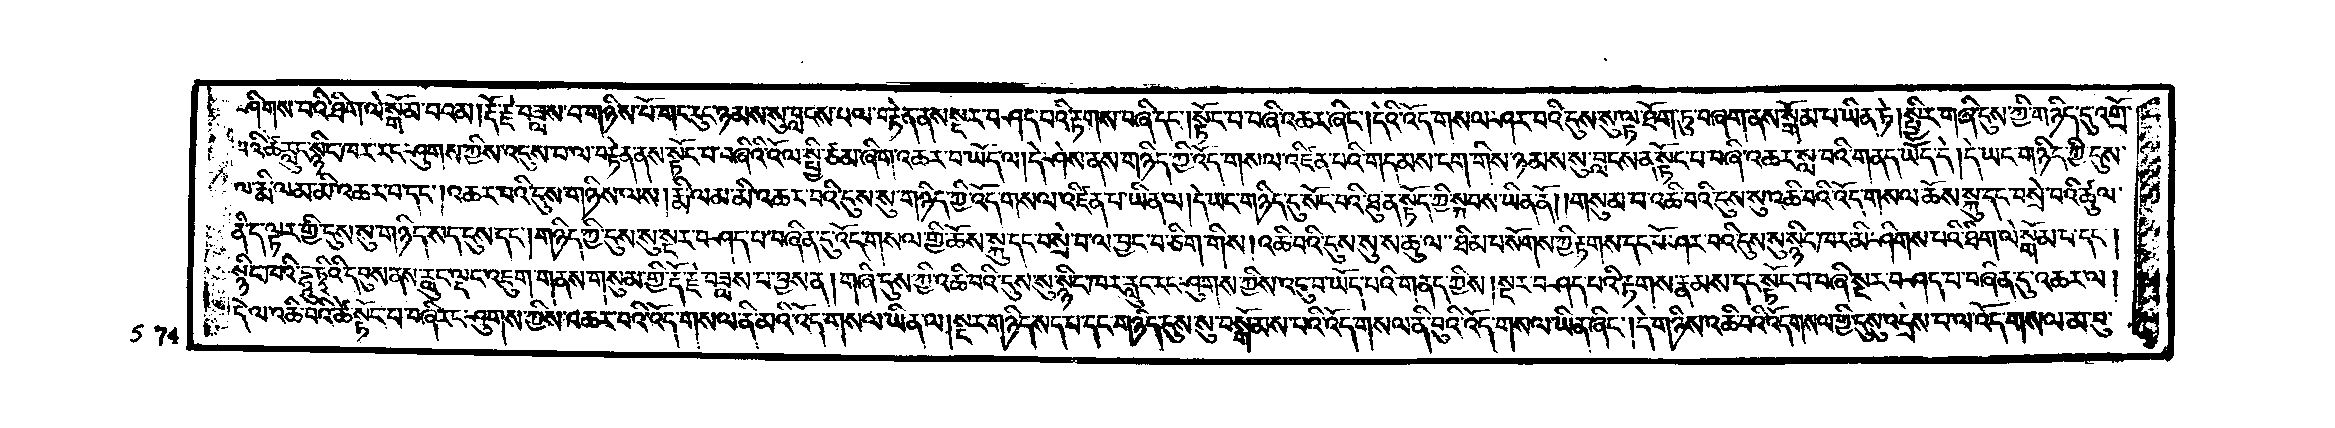ཤིགས་པའི་ཐིག་ལེ་སྒོམ་པའམ། རྡོ་རྗེ་བཟླས་པ་གཉིས་པོ་གང་རུང་ཉམས་སུ་བླངས་པ་ལ་བརྟེན་ནས་སྔར་བཤད་པའི་རྟགས་བཞི་དང་། སྟོང་པ་བཞི་འཆར་ཞིང་། དེའི་འོད་གསལ་ཤར་བའི་དུས་སུ་ལྟ་ཐོག་ཏུ་བཞག་ནས་སྒོམ་པ་ཡིན་ཏེ། སྤྱིར་གཞི་དུས་ཀྱི་གཉིད་དུ་འགྲོ་
བའི་ཚེ་རླུང་སྙིང་ཁར་རང་ཤུགས་ཀྱིས་འདུས་པ་ལ་བརྟེན་ནས་སྟོང་པ་བཞིའི་འོལ་སྤྱི་ཙམ་ཞིག་འཆར་བ་ཡོད་ལ། དེ་ཤེས་ནས་གཉིད་ཀྱི་འོད་གསལ་འཛིན་པའི་གདམས་ངག་གིས་ཉམས་སུ་བླངས་ན་སྟོང་པ་བཞི་འཆར་སླ་བའི་གནད་ཡོད་དེ། དེ་ཡང་གཉིད་ཀྱི་དུས་
ལ་རྨི་ལམ་མི་འཆར་བ་དང་། འཆར་བའི་དུས་གཉིས་ལས། རྨི་ལམ་མི་འཆར་བའི་དུས་སུ་གཉིད་ཀྱི་འོད་གསལ་འཛིན་པ་ཡིན་ལ། དེ་ཡང་གཉིད་དུ་སོང་བའི་ཐུན་སྟོད་ཀྱི་སྐབས་ཡིན་ནོ། །གསུམ་པ་འཆི་བའི་དུས་སུ་འཆི་བའི་འོད་གསལ་ཆོས་སྐུ་དང་བསྲེ་བའི་ཚུལ་
ནི་ད་ལྟར་གྱི་དུས་སུ་གཉིད་སད་དུས་དང་། གཉིད་ཀྱི་དུས་སུ་སྔར་བཤད་པ་བཞིན་དུ་འོད་གསལ་གྱི་ཆོས་སྐུ་དང་བསྲེ་བ་ལ་བྱང་བ་ཅིག་གིས། འཆི་བའི་དུས་སུ་ས་ཆུ་ལ་ཐིམ་པ་སོགས་ཀྱི་རྟགས་དང་པོ་ཤར་བའི་དུས་སུ་སྙིང་ཁར་མི་ཤིགས་པའི་ཐིག་ལེ་སྒོམ་པ་དང་།
སྙིང་ཁའི་དྷཱུ་ཏཱིའི་དབུས་ནས་རླུང་ལྡང་འཇུག་གནས་གསུམ་གྱི་རྡོ་རྗེ་བཟླས་པ་བྱས་ན། གཞི་དུས་ཀྱི་འཆི་བའི་དུས་སུ་སྙིང་ཁར་རླུང་རང་ཤུགས་ཀྱིས་འདུ་བ་ཡོད་པའི་གནད་ཀྱིས། སྔར་བཤད་པའི་རྟགས་རྣམས་དང་སྟོང་པ་བཞི་སྔར་བཤད་པ་བཞིན་དུ་འཆར་ལ།
དེ་ལ་འཆི་བའི་ཚེ་སྟོང་པ་བཞི་རང་ཤུགས་ཀྱིས་འཆར་བའི་འོད་གསལ་ནི་མའི་འོད་གསལ་ཡིན་ལ། སྔར་གཉིད་སད་པ་དང་གཉིད་དུས་སུ་བསྒོམས་པའི་འོད་གསལ་ནི་བུའི་འོད་གསལ་ཡིན་ཞིང་། དེ་གཉིས་འཆི་བའི་འོད་གསལ་གྱི་དུས་སུ་འདྲེས་པ་ལ་འོད་གསལ་མ་བུ་